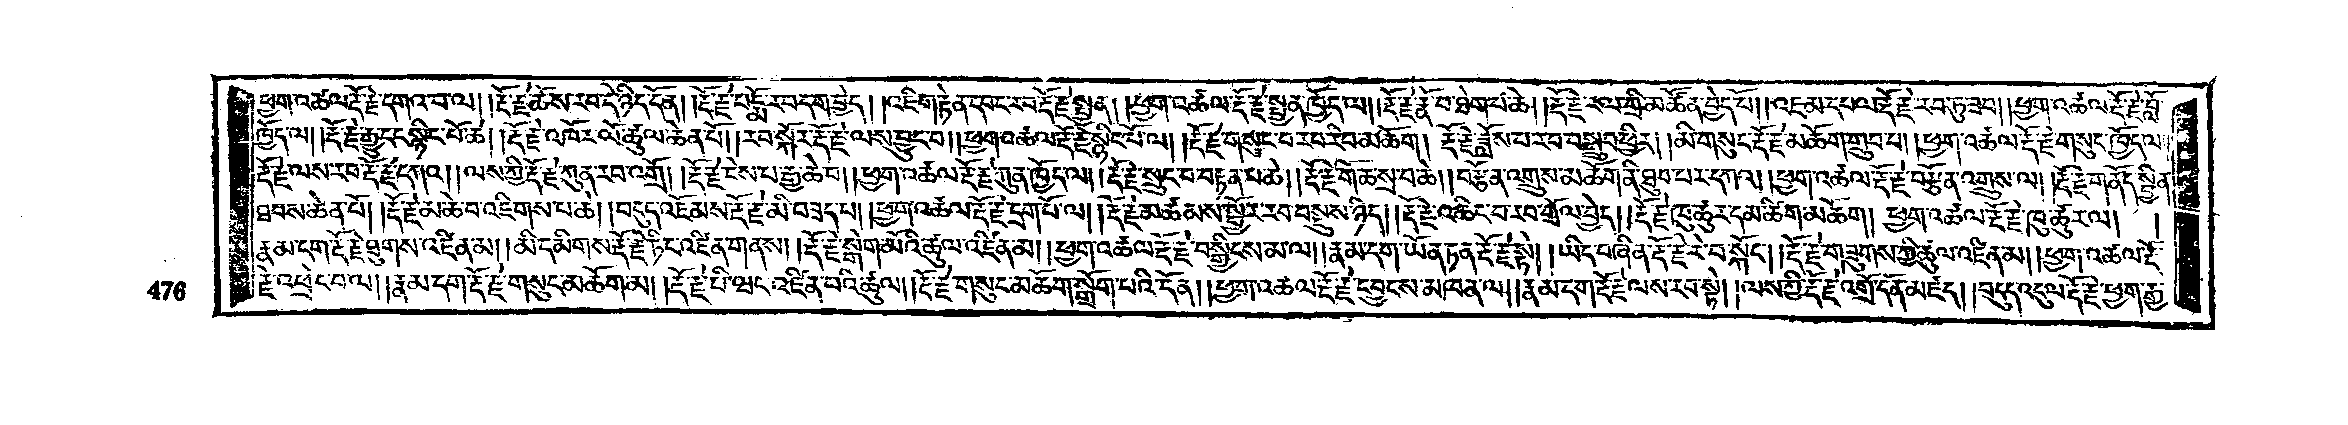ཕྱག་འཚལ་རྡོ་རྗེ་དགའ་བ་ལ། །རྡོ་རྗེ་ཆོས་རབ་དེ་ཉིད་དོན། །རྡོ་རྗེ་པདམོ་རབ་བདག་བྱེད། །འཇིག་རྟེན་དབང་རབ་རྡོ་རྗེ་སྤྱན། །ཕྱག་འཚལ་རྡོ་རྗེ་སྤྱན་ཁྱོད་ལ། །རྡོ་རྗེ་རྣོ་བ་ཐེག་པ་ཆེ། །རྡོ་རྗེ་རལ་གྲི་མཚོན་བྱེད་པོ། །འཇམ་དཔལ་རྡོ་རྗེ་རབ་ཏུ་ཟབ། །ཕྱག་འཚལ་རྡོ་རྗེ་བློ་
ཁྱོད་ལ། །རྡོ་རྗེ་རྒྱུ་དང་སྙིང་པོ་ཆེ། །རྡོ་རྗེ་འཁོར་ལོ་ཚུལ་ཆེན་པོ། །རབ་སྐོར་རྡོ་རྗེ་ལས་བྱུང་བ། །ཕྱག་འཚལ་རྡོ་རྗེ་སྙིང་པོ་ལ། །རྡོ་རྗེ་གསུང་བ་རབ་རིབ་མཆོག །རྡོ་རྗེ་ཟློས་པ་རབ་བསྒྲུབ་ཕྱིར། །མི་གསུང་རྡོ་རྗེ་མཆོག་གྲུབ་པ། །ཕྱག་འཚལ་རྡོ་རྗེ་གསུང་ཁྱོད་ལ།།
རྡོ་རྗེ་ལས་རབ་རྡོ་རྗེ་དཀའ། །ལས་ཀྱི་རྡོ་རྗེ་ཀུན་རབ་འགྲོ། །རྡོ་རྗེ་ངེས་པ་རྒྱ་ཆེ་བ། །ཕྱག་འཚལ་རྡོ་རྗེ་ཀུན་ཁྱོད་ལ། །རྡོ་རྗེ་སྲུང་བ་བརྟན་པ་ཆེ། །རྡོ་རྗེ་གོ་ཆ་སྲ་བ་ཆེ། །བརྩོན་འགྲུས་མཆོག་ནི་ཐུབ་པར་དཀའ། །ཕྱག་འཚལ་རྡོ་རྗེ་བརྩོན་འགྲུས་ལ། །རྡོ་རྗེ་གནོད་སྦྱིན་
ཐབས་ཆེན་པོ། །རྡོ་རྗེ་ཆེ་བ་འཇིགས་པ་ཆེ། །བདུད་འཇོམས་རྡོ་རྗེ་མི་བཟད་པ། །ཕྱག་འཚལ་རྡོ་རྗེ་དྲག་པོ་ལ། །རྡོ་རྗེ་མཚམས་སྦྱོར་རབ་བསྡུས་ཉིད། །རྡོ་རྗེ་འཆིང་བ་རབ་གྲོལ་བྱེད། །རྡོ་རྗེ་ཁུ་ཚུར་དམ་ཚིག་མཆོག །ཕྱག་འཚལ་རྡོ་རྗེ་ཁུ་ཚུར་ལ། །
རྣམ་དག་རྡོ་རྗེ་ཐུགས་འཛིན་མ། །མི་དམིགས་རྡོ་རྗེ་ཏིང་འཛིན་གནས། །རྡོ་རྗེ་སྒེག་མོའི་ཚུལ་འཛིན་མ། །ཕྱག་འཚལ་རྡོ་རྗེ་བསྒྱིངས་མ་ལ། །རྣམ་དག་ཡོན་ཏན་རྡོ་རྗེ་སྟེ། །ཡིད་བཞིན་རྡོ་རྗེ་རེ་བ་སྐོང་། །རྡོ་རྗེ་གཟུགས་ཀྱི་ཚུལ་འཛིན་མ། །ཕྱག་འཚལ་རྡོ་
རྗེ་འཕྲེང་བ་ལ། །རྣམ་དག་རྡོ་རྗེ་གསུང་མཆོག་མ། །རྡོ་རྗེ་པི་ཝང་འཛིན་པའི་ཚུལ། །རྡོ་རྗེ་གསུང་མཆོག་སྒྲོག་པའི་དོན། །ཕྱག་འཚལ་རྡོ་རྗེ་དབྱངས་མཁན་ལ། །རྣམ་དག་རྡོ་རྗེ་ལས་རབ་སྟེ། །ལས་ཀྱི་རྡོ་རྗེ་འགྲོ་དོན་མཛད། །བདུད་འདུལ་རྡོ་རྗེ་ཕྱག་རྒྱ་